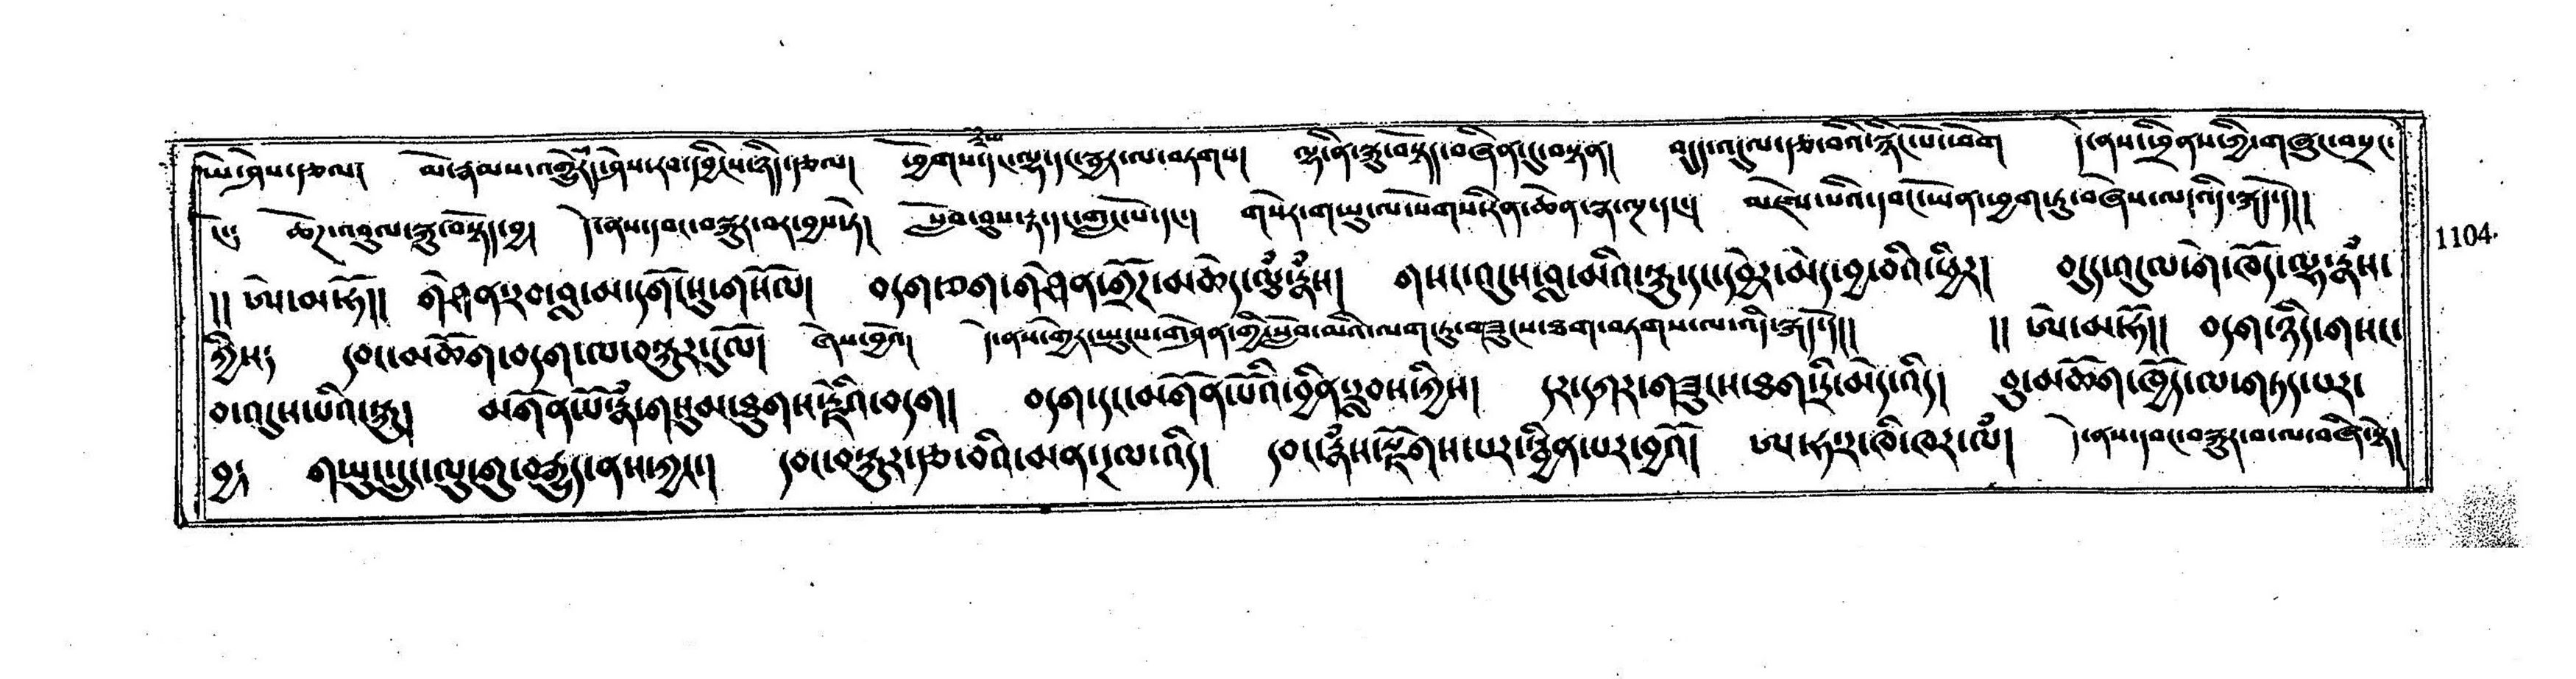ཡེ་ཤེས་རྩལ། མོ་རྣམས་འགྱུར་མེད་ཤེས་རབ་དབྱིངས་ཉིད་རྩལ། ཕྱོགས་རྣམས་ལྷ་དང་སྦྱར་ལ་བཏགས། ལྷ་ནི་སྐུ་བསྟོད་བཞིན་དུ་བསྟན། བདུད་འདུལ་རྩ་བའི་སྙིང་པོ་ཕོག དེ་ནས་ཕྲིན་ལས་ཀྱི་གཞུང་བསྲང་
ངོ་། ཚོགས་འབུལ་སྐུ་བསྟོད་བྱ། དེ་ནས་དབང་བསྐུར་བར་བྱས་ཏེ། སློབ་བུས་རྟ་དང་གླང་པོ་དང་། གསེར་གཡུ་ལ་སོགས་རིན་ཆེན་སྣ་ལྔ་དང་། མཛེས་པའི་དབང་ཡོན་ཕྱག་ཏུ་བཞེས་ལ་འདི་སྐད་དོ།། 
།།ཨེ་མ་ཧོ།། གཤེན་རབ་བླ་མ་དགོངས་སུ་གསོལ། བདག་ཅག་གཤེན་གྲོགས་མཆེད་ལྕམ་རྣམས། གསང་འདུས་བླ་མའི་སྐུ་དང་དབྱེར་མེད་བྱ་བའི་ཕྱིར། བདུད་འདུལ་གེ་ཁོད་ལྷ་རྣམས་
ཀྱིས། དབང་མཆོག་བདག་ལ་བསྐུར་དུ་གསོལ། ཞེས་བྱའོ། །དེ་ནས་གྱེར་སྤུངས་གཤེན་གྱི་སློབ་མའི་ལག་ཏུ་གཟུངས་ཐག་བཏགས་ལ་འདི་སྐད་དོ། །།ཨེ་མ་ཧོ།། བདག་ཉིད་གསང་
བ་འདུས་པའི་སྐུ། མགོན་པོ་རྣམ་གསུམ་ཐུགས་རྗེའི་བདག བདག་དང་མགོན་{1124}པོའི་བྱིན་རླབས་ཀྱིས། དར་དཀར་གཟུངས་ཐག་དྲི་མེད་འདི། བུ་མཆོག་ཁྱོད་ལ་གཏད་པར་
བྱ། གཡུང་དྲུང་ལུ་གུ་བརྒྱུད་ནས་ཀྱང་། དབང་བསྐུར་རྩ་བའི་མན་ཌལ་འདི། དབང་རྣམས་རྫོགས་པར་སྦྱིན་པར་བྱའོ། ཨ་ཧ་ར་ཁི་ཁར་ལཾ། དེ་ནས་དབང་བསྐུར་བ་ལ་བཞི་སྟེ།